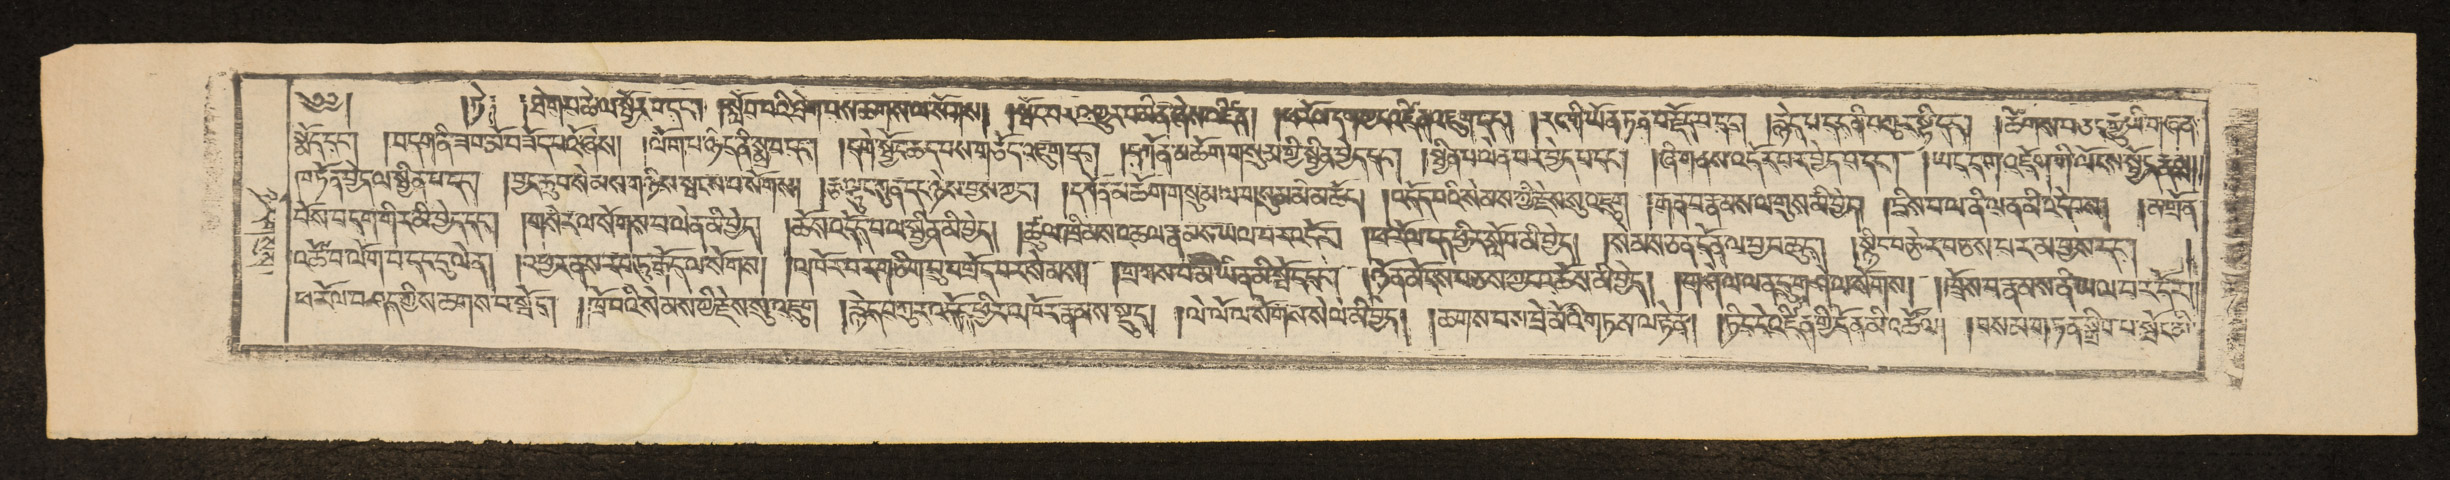༄༅། །ཏེ༑ ༑ཐེག་པ་ཆེ་ལ་སྦྱོར་བ་དང་། །སློབ་པའི་ཐེག་པས་ཆགས་ལ་སོགས། །སྤོང་བར་འགྱུར་བ་མིན་ཞེས་འཛིན། །ཕ་རོལ་དག་ཀྱང་འཛིན་འཇུག་དང་། །རང་གི་ཡོན་ཏན་བརྗོད་པ་དང་། །རྙེད་པ་དང་ནི་བཀུར་སྟི་དང་། །ཚིགས་བཅད་རྒྱུ་ཡི་གཞན་
སྨོད་དང་། །བདག་ནི་ཟབ་མོ་བཟོད་པའོ་ཞེས། །ལོག་པ་ཉིད་ནི་སྨྲ་བ་དང་། །དགེ་སྦྱོང་ཆད་པས་གཅོད་འཇུག་དང་། །དཀོན་མཆོག་གསུམ་གྱི་སྦྱིན་བྱེད་དང་། །སྦྱིན་པ་ལེན་པར་བྱེད་པ་དང་། །ཞི་གནས་འདོར་བར་བྱེད་པ་དང་། །ཡང་དག་འཇོག་གི་ལོངས་སྤྱོད་རྣམས། །
ཁ་ཏོན་བྱེད་ལ་སྦྱིན་པ་དང་། །བྱང་ཆུབ་སེམས་གཉིས་སྤངས་བ་སོགས། །རྩ་ལྟུང་ཀུན་དང་ཉེས་བྱས་ཀྱང་། །དཀོན་མཆོག་གསུམ་ལ་གསུམ་མི་མཆོད། །འདོད་པའི་སེམས་ཀྱི་རྗེས་སུ་འཇུག །རྒན་པ་རྣམས་ལ་གུས་མི་བྱེད། །དྲིས་པ་ལ་ནི་ལན་མི་འདེབས། །མགྲོན་
པོས་བདག་གིར་མི་བྱེད་དང་། །གསེར་ལ་སོགས་པ་ལེན་མི་བྱེད། །ཆོས་འདོད་བ་ལ་སྦྱིན་མི་བྱེད། །ཚུལ་ཁྲིམས་འཆལ་རྣམས་ཡལ་བར་འདོར། །ཕ་རོལ་དད་ཕྱིར་སློབ་མི་བྱེད། །སེམས་ཅན་དོན་ལ་བྱ་བ་ཆུད། །སྙིང་བརྩེར་བཅས་པར་མ་བྱས་དང་། །
འཚོ་བ་ལོག་པ་དང་དུ་ལེན། །འཕྱར་ནས་རབ་ཏུ་རྒོད་ལ་སོགས། །འཁོར་བར་གཅིག་པུ་བཟོད་པར་སེམས། །གྲགས་པ་མ་ཡིན་མི་སྤོང་དང་། །ཉོན་མོངས་བཅས་ཀྱང་འཆོས་མི་བྱེད། །གཤེ་ལ་ལན་དུ་གཤེ་ལ་སོགས། །ཁྲོས་པ་རྣམས་ནི་ཡལ་བར་དོར།།
ཕ་རོལ་བཤད་ཀྱིས་ཆགས་པ་སྤོང་། །ཁྲོ་བའི་སེམས་ཀྱི་རྗེས་སུ་འཇུག །རྙེད་བཀུར་འདོད་ཕྱིར་འཁོར་རྣམས་སྡུད། །ལེ་ལོ་ལ་སོགས་སེལ་མི་བྱེད། །ཆགས་པས་པྲེ་མོའི་གཏམ་ལ་རྟེན། །ཏིང་ངེ་འཛིན་གྱི་དོན་མི་འཚོལ། །བསམ་གཏན་སྒྲིབ་པ་སྤོང་མི་